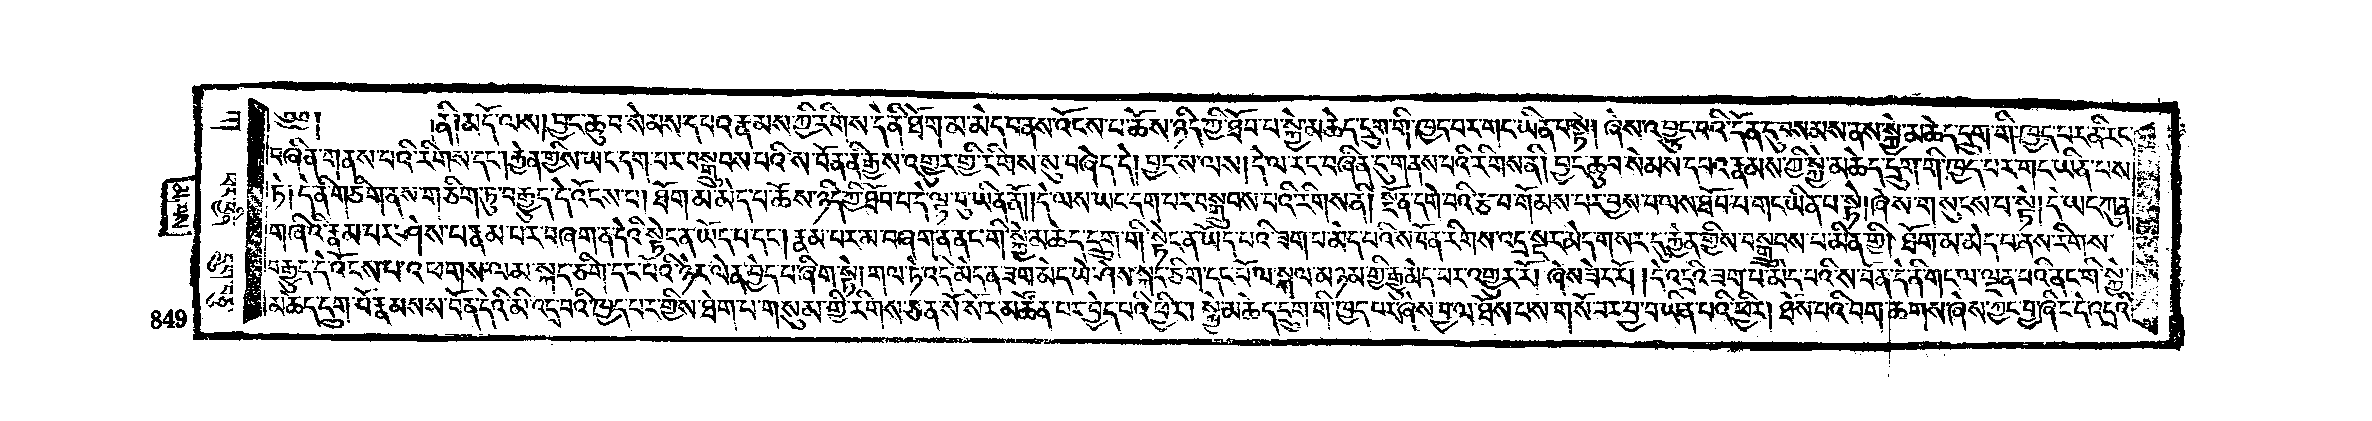༄༅། །ནི། མདོ་ལས། བྱང་ཆུབ་སེམས་དཔའ་རྣམས་ཀྱི་རིགས་དེ་ནི་ཐོག་མ་མེད་པ་ནས་འོངས་པ་ཆོས་ཉིད་ཀྱི་ཐོབ་པ་སྐྱེ་མཆེད་དྲུག་གི་ཁྱད་པར་གང་ཡིན་པ་སྟེ། ཞེས་འབྱུང་བའི་དོན་དུ་བསམས་ནས་སྐྱེ་མཆེད་དྲུག་གི་ཁྱད་པར་ནི་རང་
བཞིན་གནས་པའི་རིགས་དང་། རྐྱེན་གྱིས་ཡང་དག་པར་བསྒྲུབས་པའི་ས་བོན་ནི་རྒྱས་འགྱུར་གྱི་རིགས་སུ་བཞེད་དེ། བྱང་ས་ལས། དེ་ལ་རང་བཞིན་དུ་གནས་པའི་རིགས་ནི། བྱང་ཆུབ་སེམས་དཔའ་རྣམས་ཀྱི་སྐྱེ་མཆེད་དྲུག་གི་ཁྱད་པར་གང་ཡིན་པས་
ཏེ། དེ་ནི་གཅིག་ནས་གཅིག་ཏུ་བརྒྱུད་དེ་འོངས་པ། ཐོག་མ་མེད་པ་ཆོས་ཉིད་ཀྱི་ཐོབ་པ་དེ་ལྟ་བུ་ཡིན་ནོ། །དེ་ལས་ཡང་དག་པ་བསྒྲུབས་པའི་རིགས་ནི། སྔོན་དགེ་བའི་རྩ་བ་གོམས་པར་བྱས་པ་ལས་ཐོབ་པ་གང་ཡིན་པ་སྟེ། ཞེས་གསུངས་པ་སྟེ། དེ་ཡང་ཀུན་
གཞིའི་རྣམ་པར་ཤེས་པ་རྣམ་པར་བཞག་ན་དེའི་སྟེང་ན་ཡོད་པ་དང་། རྣམ་པར་མ་བཞག་ན་ནང་གི་སྐྱེ་མཆེད་དྲུག་གི་སྟེང་ན་ཡོད་པའི་ཟག་པ་མེད་པའི་ས་བོན་རིགས་འདྲ་སྔར་མེད་གསར་དུ་རྐྱེན་གྱིས་བསྒྲུབས་པ་མིན་གྱི། ཐོག་མ་མེད་པ་ནས་རིགས་
བརྒྱུད་དེ་འོངས་པ་འཕགས་ལམ་སྐད་ཅིག་དང་པོའི་ཉེར་ལེན་བྱེད་པ་ཞིག་སྟེ། གལ་ཏེ་འདི་མེད་ན་ཟག་མེད་ཡེ་ཤེས་སྐད་ཅིག་དང་པོ་ལ་སྐལ་མཉམ་གྱི་རྒྱུ་མེད་པར་འགྱུར་རོ། ཞེས་ཟེར་རོ། །དེ་འདྲའི་ཟག་པ་མེད་པའི་ས་བོན་དེ་ནི་གང་ལ་ལྡན་པའི་ནང་གི་སྐྱེ་
མཆེད་དྲུག་པོ་རྣམས་ས་བོན་དེའི་མི་འདྲ་བའི་ཁྱད་པར་གྱིས་ཐེག་པ་གསུམ་གྱི་རིགས་ཅན་སོ་སོར་མཚོན་པར་བྱེད་པའི་ཕྱིར། སྐྱེ་མཆེད་དྲུག་གི་ཁྱད་པར་ཞེས་བྱ་ལ་ཐོས་པས་གསོ་བར་བྱ་བ་ཡིན་པའི་ཕྱིར། ཐོས་པའི་བག་ཆགས་ཞེས་ཀྱང་བྱ་ཞིང་དེ་འདྲའི་